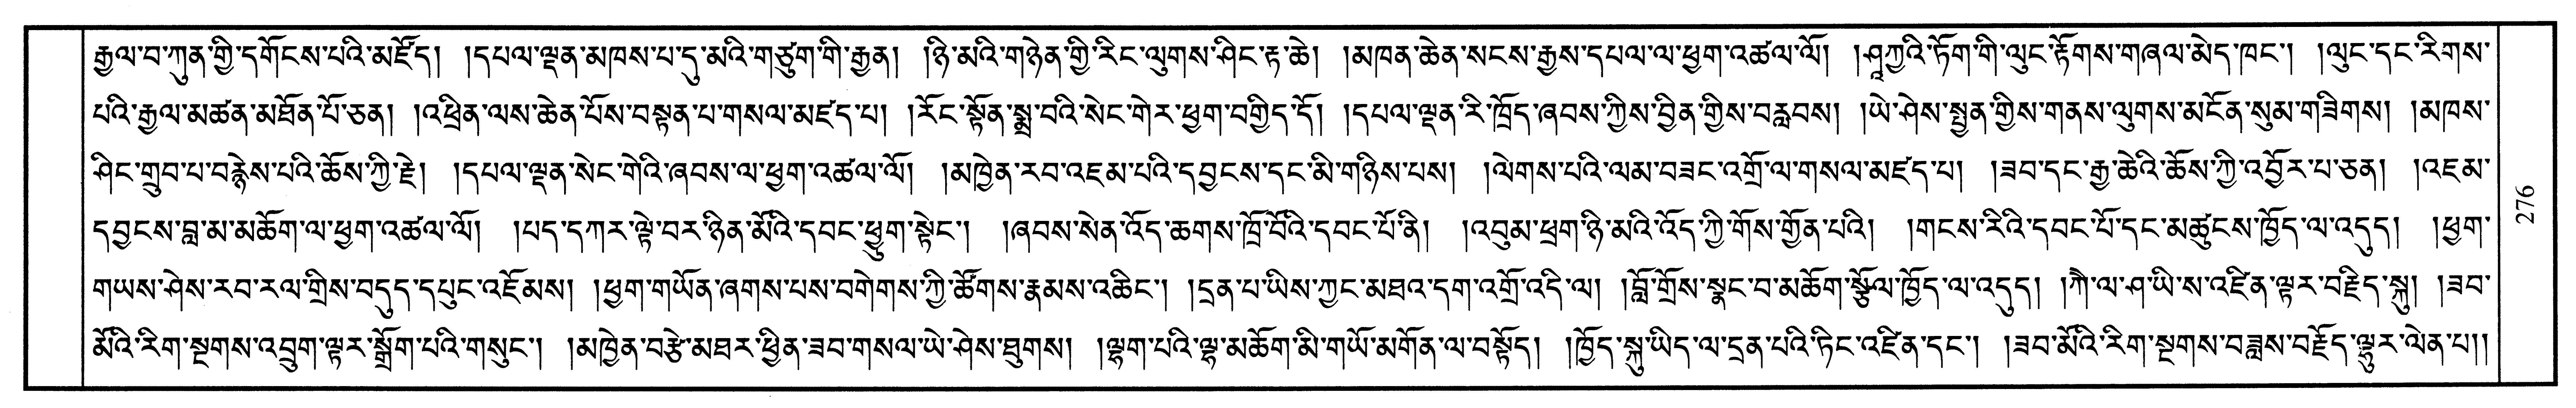རྒྱལ་བ་ཀུན་གྱི་དགོངས་པའི་མཛོད། །དཔལ་ལྡན་མཁས་པ་དུ་མའི་གཙུག་གི་རྒྱན། །ཉི་མའི་གཉེན་གྱི་རིང་ལུགས་ཤིང་རྟ་ཆེ། །མཁན་ཆེན་སངས་རྒྱས་དཔལ་ལ་ཕྱག་འཚལ་ལོ། །ཤཱཀྱའི་ཏོག་གི་ལུང་རྟོགས་གཞལ་མེད་ཁང་། །ལུང་དང་རིགས་
པའི་རྒྱལ་མཚན་མཐོན་པོ་ཅན། །འཕྲིན་ལས་ཆེན་པོས་བསྟན་པ་གསལ་མཛད་པ། །རོང་སྟོན་སྨྲ་བའི་སེང་གེར་ཕྱག་བགྱིད་དོ། །དཔལ་ལྡན་རི་ཁྲོད་ཞབས་ཀྱིས་བྱིན་གྱིས་བརླབས། །ཡེ་ཤེས་སྤྱན་གྱིས་གནས་ལུགས་མངོན་སུམ་གཟིགས། །མཁས་
ཤིང་གྲུབ་པ་བརྙེས་པའི་ཆོས་ཀྱི་རྗེ། །དཔལ་ལྡན་སེང་གེའི་ཞབས་ལ་ཕྱག་འཚལ་ལོ། །མཁྱེན་རབ་འཇམ་པའི་དབྱངས་དང་མི་གཉིས་པས། །ལེགས་པའི་ལམ་བཟང་འགྲོ་ལ་གསལ་མཛད་པ། །ཟབ་དང་རྒྱ་ཆེའི་ཆོས་ཀྱི་འབྱོར་པ་ཅན། །འཇམ་
དབྱངས་བླ་མ་མཆོག་ལ་ཕྱག་འཚལ་ལོ། །པད་དཀར་ལྟེ་བར་ཉིན་མོའི་དབང་ཕྱུག་སྟེང་། །ཞབས་སེན་འོད་ཆགས་ཁྲོ་བོའི་དབང་པོ་ནི། །འབུམ་ཕྲག་ཉི་མའི་འོད་ཀྱི་གོས་གྱོན་པའི། །གངས་རིའི་དབང་པོ་དང་མཚུངས་ཁྱོད་ལ་འདུད། །ཕྱག་
གཡས་ཤེས་རབ་རལ་གྲིས་བདུད་དཔུང་འཇོམས། །ཕྱག་གཡོན་ཞགས་པས་བགེགས་ཀྱི་ཚོགས་རྣམས་འཆིང་། །དྲན་པ་ཡིས་ཀྱང་མཐའ་དག་འགྲོ་འདི་ལ། །བློ་གྲོས་སྣང་བ་མཆོག་སྩོལ་ཁྱོད་ལ་འདུད། །ཀཻ་ལ་ཤ་ཡི་ས་འཛིན་ལྟར་བརྗིད་སྐུ། །ཟབ་
མོའི་རིག་སྔགས་འབྲུག་ལྟར་སྒྲོག་པའི་གསུང་། །མཁྱེན་བརྩེ་མཐར་ཕྱིན་ཟབ་གསལ་ཡེ་ཤེས་ཐུགས། །ལྷག་པའི་ལྷ་མཆོག་མི་གཡོ་མགོན་ལ་བསྟོད། །ཁྱོད་སྐུ་ཡིད་ལ་དྲན་པའི་ཏིང་འཛིན་དང་། །ཟབ་མོའི་རིག་སྔགས་བཟླས་བརྗོད་ལྷུར་ལེན་པ།།